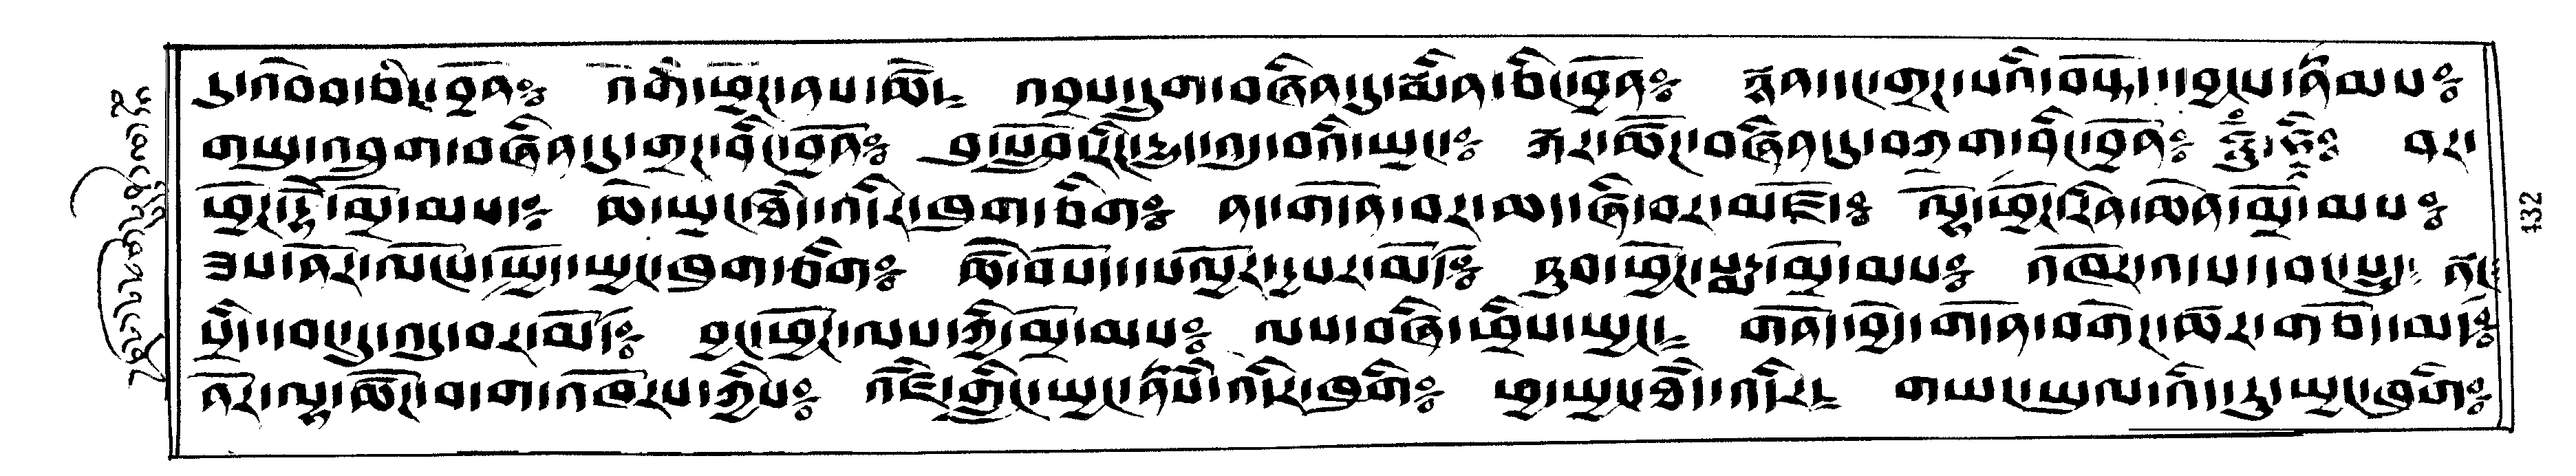དུ་འབབ་ཅིང་བྱོན༔ འོག་ཕྱོགས་ནས་ཚེ༴ འབྲས་དྲུག་བཞིན་དུ་སྨིན་ཅིང་བྱོན༔ སྙན་དང་གྲགས་པའི་བསྟོད་དབྱངས་རྣམས༔
གཡུ་འབྲུག་བཞིན་དུ་གྲགས་ཅིང་བྱོན༔ བུ་སློབ་རིགས་རྒྱུད་འདུ་བའི་གཡང༔ སྐར་ཚོགས་བཞིན་དུ་བཀྲག་ཤིག་བྱོན༔ ཧཱུྃ་ཧྲཱིཿ ཤར་
ཕྱོགས་རྡོ་རྗེ་མཁའ་འགྲོ་མས༔ ཆེ་གཡང་ཐམས་ཅད་འདིར་ཁུག་ཅིག༔ ནད་གདོན་བར་ཆད་ཞི་བར་མཛོད༔ ལྷོ་ཕྱོགས་རིན་ཆེན་མཁའ་འགྲོ་མས༔ 
ཟས་ནོར་ལོངས་སྤྱོད་གཡང་ཁུག་ཅིག༔ ཚེ་བསོད་དཔལ་འབྱོར་རྒྱས་པར་མཛོད༔ ནུབ་ཕྱོགས་པདྨ་མཁའ་འགྲོ་མས༔ འཁོར་འདས་དབང་སྡུད༴ སྣང་
སྲིད་དབང་འདུ་བར་མཛོད༔ བྱང་ཕྱོགས་ལས་ཀྱི་མཁའ་འགྲོ་མས༔ ལས་བཞི་ཕྲིན་ལས་གཡང༴ གནོད་བྱེད་གདོན་བགེགས་ཚར་གཅོད་མཛོད༔ 
ནོར་ལྷ་ཚོགས་བདག་འཁོར་བཅས་ཀྱིས༔ འཛམ་གླིང་གཡང་རྣམས་འདིར་ཁུག་ཅིག༔ ཕྱག་གཡང་ཐམས་ཅད་འདིར༴ གཡང་ཡུལ་འདི་རུ་གཡང་ཁུག་ཅིག༔